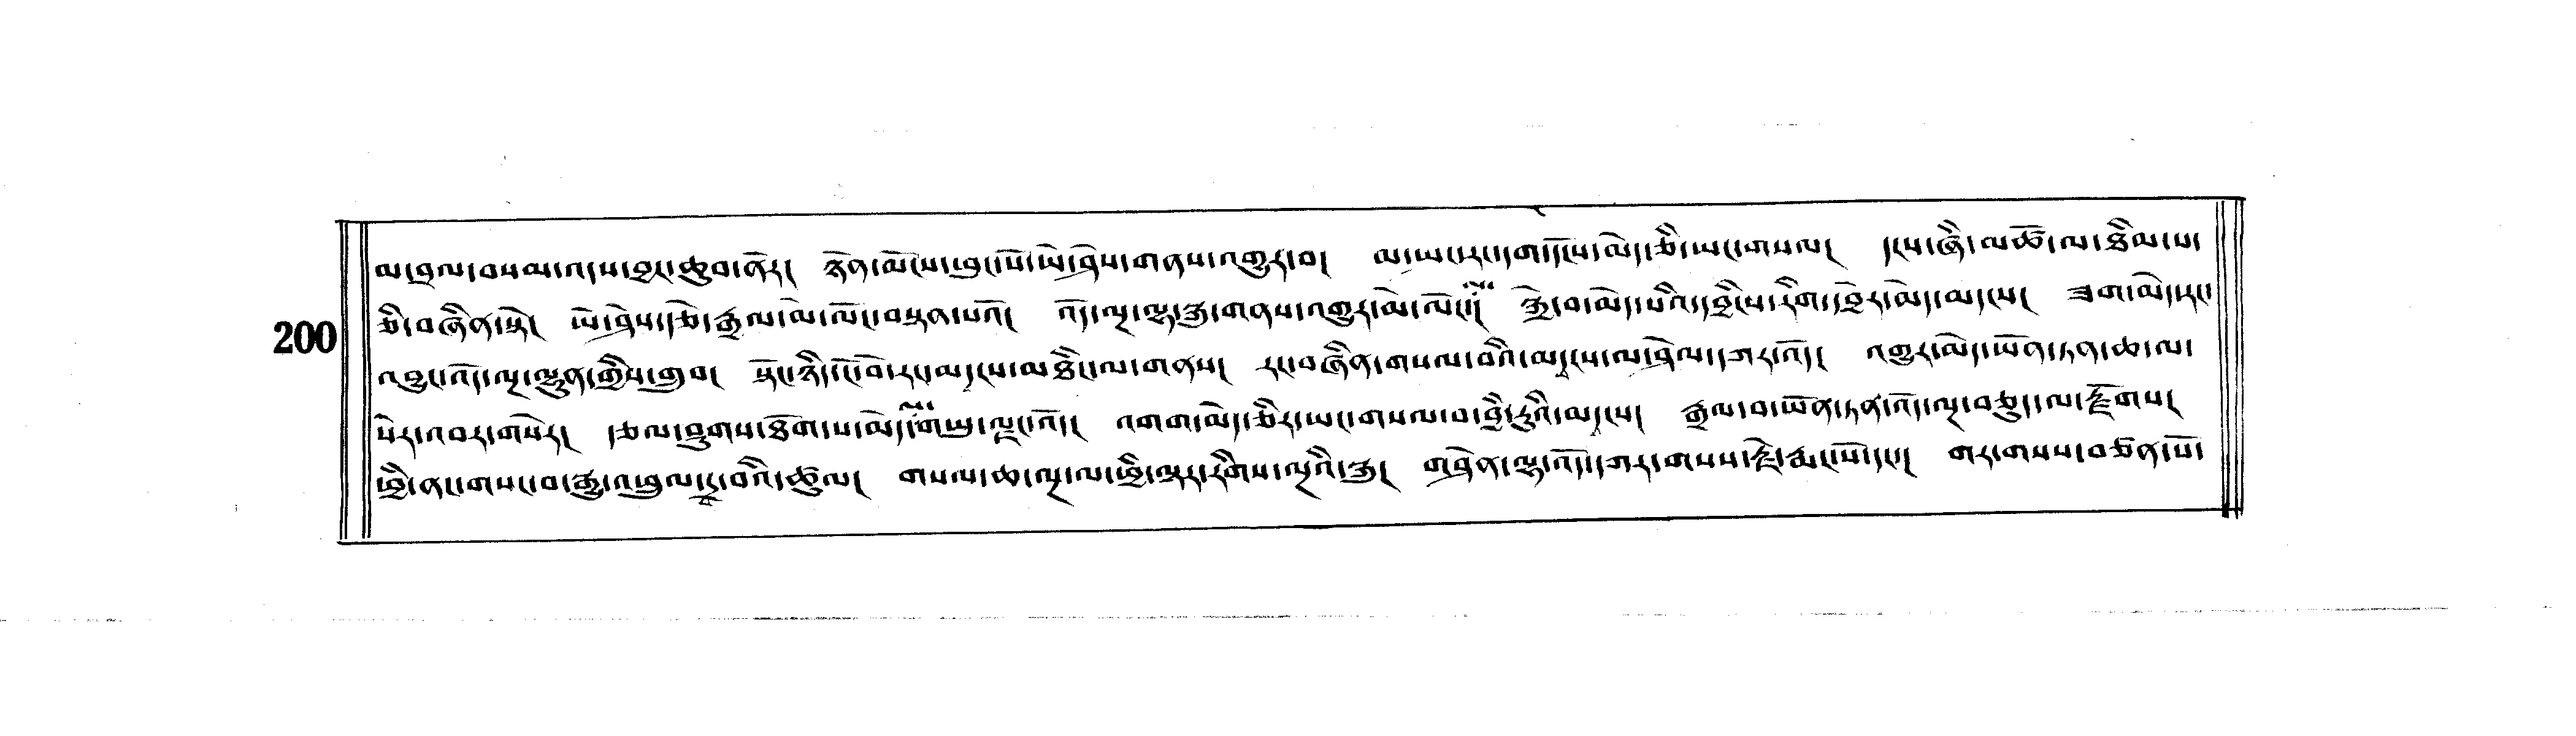མ་བྲལ་བསམ་འདས་བྱང་ཆུབ་ནོར། ཉོན་མོངས་ཕུང་པོ་ཡེ་ཤེས་གནས་འགྱུར་བ། མ་སྤང་རང་དག་དངོས་མེད་ཅི་ཡང་གསལ། དྭངས་ཞི་མཚོ་ལ་ཐིམ་པ་
ཅི་བཞིན་ཏེ། ཡེ་ཤེས་རྩེ་རྒྱལ་མེ་ལོང་བསྟན་པའོ། འོད་ལྔ་ལྷ་སྐུ་གནས་འགྱུར་མེ་ལོང་ལ། སྐྱེ་བ་མེད་པའི་དབྱིངས་རིག་དབྱེར་མེད་མདངས། ཟག་མེད་རང་
འབྱུང་འོད་ལྔ་ལྷུན་གྱིས་གྲུབ། སྟོང་ཉིད་ངོ་བོ་རང་མདངས་མཐིང་ལ་གནས། རང་བཞིན་གསལ་བའི་མདངས་ལ་ཤེལ་དཀར་འོད། འགྱུར་མེད་ཡོན་ཏན་ཆ་ལ་
སེར་འབར་གསེར། རྩལ་ཤུགས་ཐོགས་པ་མེད་ལ་གཡུ་ལྗང་འོད། འགག་མེད་ཅིར་ཡང་གསལ་བ་བྱི་རུའི་མདངས། རྒྱལ་བ་ཡོན་ཏན་འོད་ལྔ་བཅུད་ལ་རྫོགས། 
ཕྱི་ནང་གསང་བ་སྒྱུ་འཕྲུལ་དྲྭ་བའི་ཚུལ། གསལ་ཆ་ལྔ་ལ་ཕྱི་ལྟར་རིགས་ལྔའི་སྐུ། གཤེན་ལྷ་འོད་དཀར་གསས་རྗེ་རྨང་པོ་དང་། གར་གསས་བཙན་པོ་